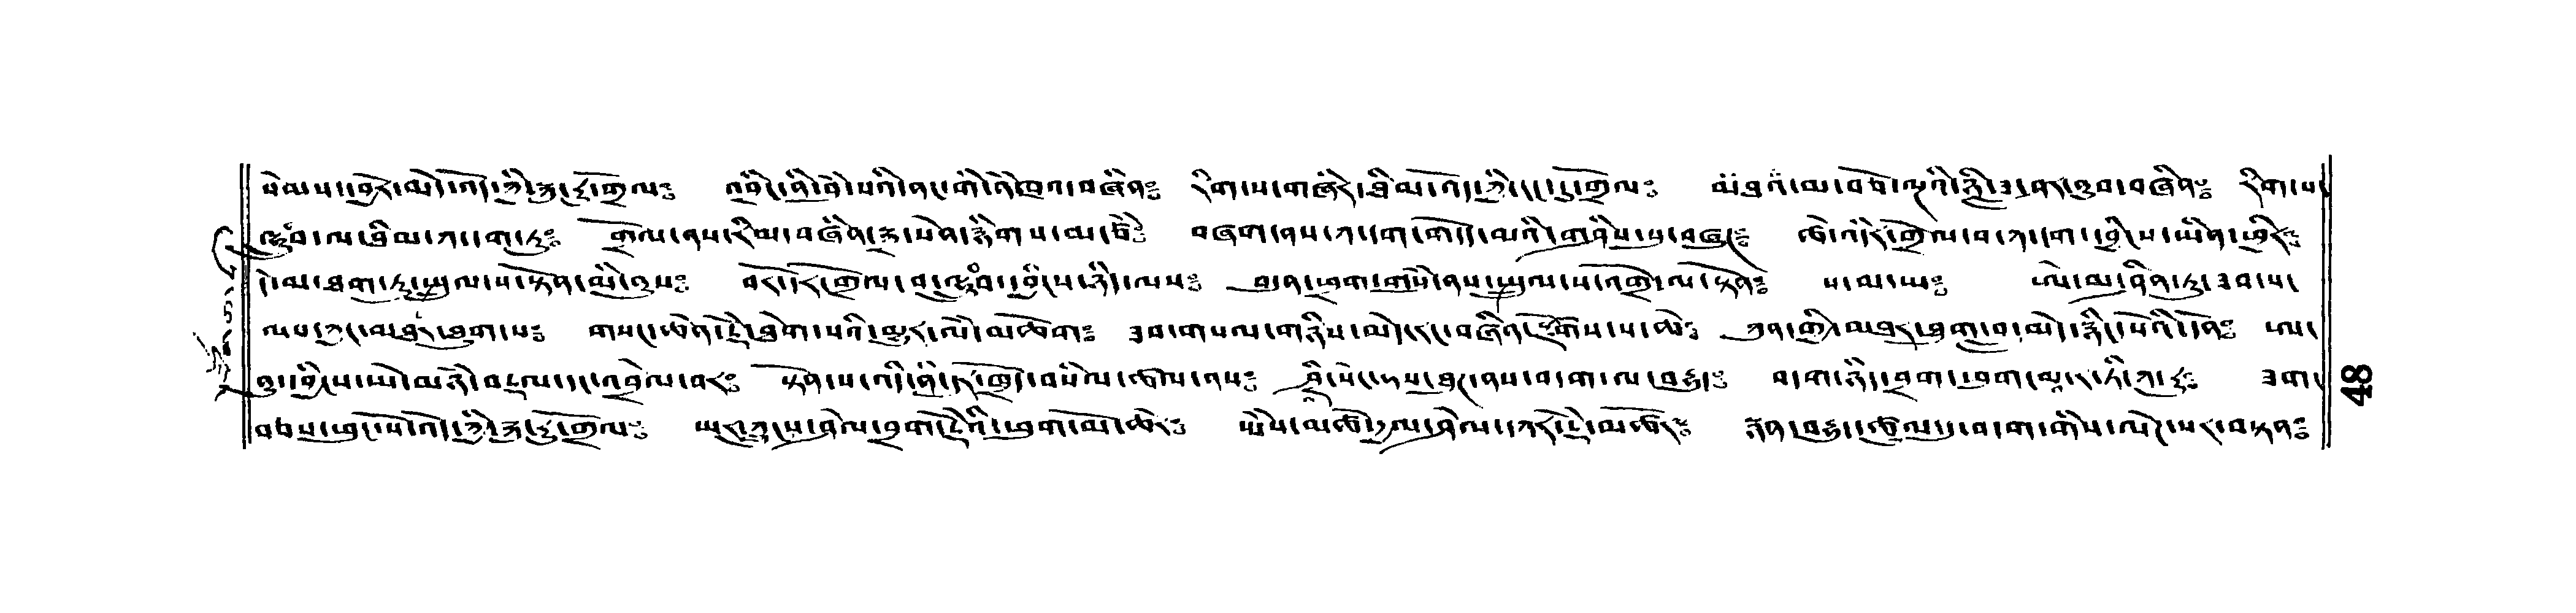སེམས་དབྱེར་མེད་འོད་ཀྱི་སྐུ་རུ་གྲོལ༔ འབྲིང་ནི་བུམ་པའི་ནང་གི་ནམ་མཁའ་བཞིན༔ རིག་པ་གཞིར་ཐིམ་འོད་ཀྱི་ངང་དུ་གྲོལ༔ མཐའ་མ་བཅོ་ལྔའི་ཉི་ཟླ་ཤར་ནུབ་བཞིན༔ རིག་པ་
ལྷུན་གྲུབ་ལ་ཐིམ་ཀ་དག་ཏུ༔ གྲོལ་ནས་རིམ་བཞིན་སྐྲ་སེན་སྙིགས་མ་ཙམ༔ བཞག་ནས་ཀ་དག་གདོད་མའི་གཤིས་སུ་བཞུགས༔ ཚེ་འདིར་གྲོལ་བ་ཀ་དག་དབྱིངས་ཡིན་ཕྱིར༔
དེ་མ་ཐག་ཏུ་སྤྲུལ་པ་སྟོན་མིན་ནུས༔ བར་དོར་གྲོལ་བ་ལྷུན་གྲུབ་དབྱིངས་ཉིད་ལས༔ བདུན་ཕྲག་གསུམ་ནས་སྤྲུལ་པ་འགྲོ་ལ་སྟོན༔ ས་མ་ཡ༔ ཨེ་མ་ཤིན་ཏུ་ཟབ་པ་
ལས་ཀྱང་མཐར་ཐུག་པ༔ གསང་ཆེན་རྡོ་རྗེ་ཐེག་པའི་མྱུར་ལམ་མཆོག༔ ཟབ་གསལ་གཉིས་མེད་རང་བཞིན་རྫོགས་པ་ཆེ༔ ཀུན་གྱི་མཐར་ཐུག་བླ་མེད་སྙིང་པོའི་དོན༔ ཨ་
ནུ་དབྱིངས་ཡེ་མཉམ་བརྡལ་དང་འབྲེལ་བར༔ སྟོན་པ་འདི་ནི་དུར་ཁྲོད་བསིལ་ཚལ་ནས༔ ཤྲཱི་སེང་ཧས་ཐུགས་ནས་བདག་ལ་བརྒྱུད༔ བདག་ཉིད་བྲག་ཕུག་མཱ་ར་ཏི་ཀ་རུ༔ ཟག་
བཅས་ཕུང་པོ་འོད་ཀྱི་སྐུ་རུ་གྲོལ༔ ཡར་ཀླུངས་ཤེལ་བྲག་རྡོ་རྗེའི་ཕུག་མོ་ཆེར༔ཡེ་ཤེས་མཚོ་རྒྱལ་ཤེལ་དཀར་རྡོ་རྗེ་མཚོར༔ སྙན་བརྒྱུད་ཚུལ་དུ་བདག་གིས་ལེགས་པར་བསྟན༔